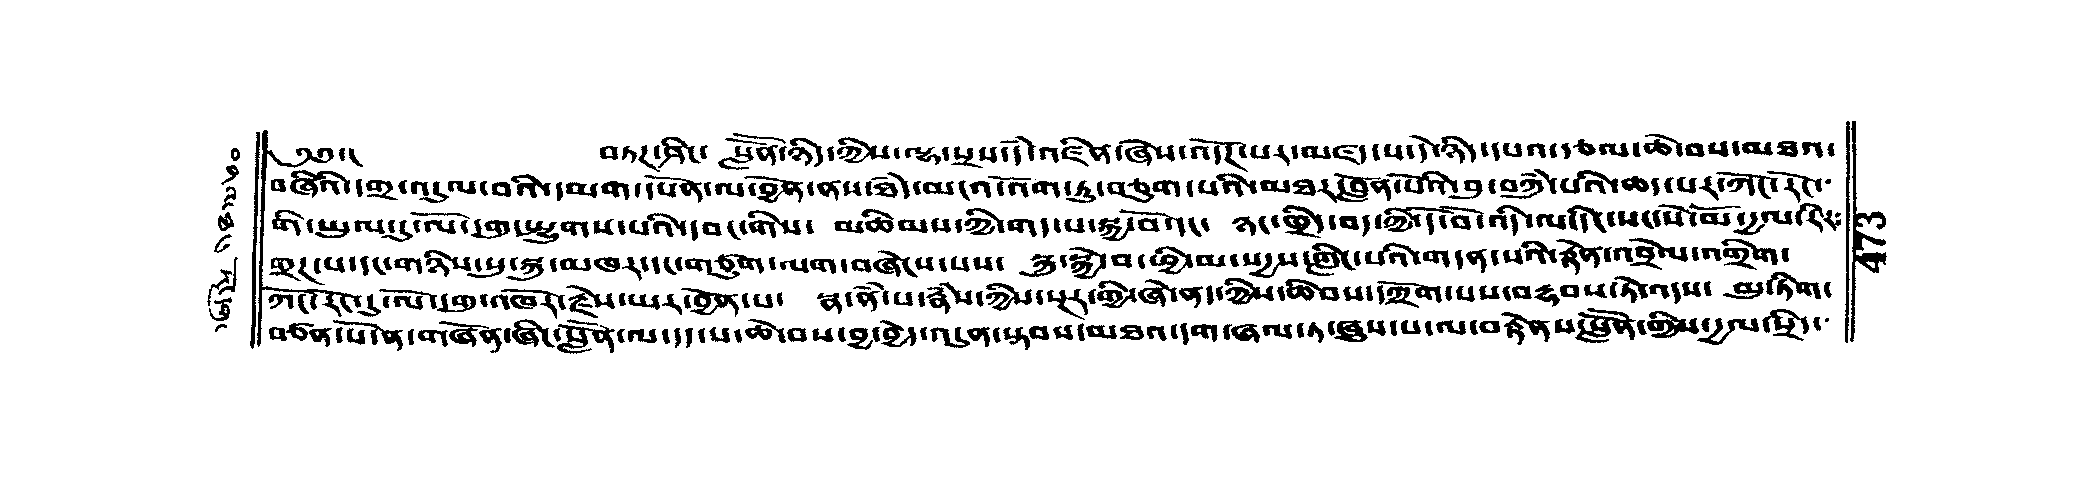བཏགས་ཤིང་། སློབ་དཔོན་ཉིད་ཀྱི་ལྷ་སྲས་དམ་འཛིན་ཞེས་འདོགས་པར་མཛད་པ་དེ་ཉིད་དཔའ་རྩལ་ཆེ་བས་མཐའ་
བཞིའི་དགྲ་འདུལ་བའི་དམག་དཔོན་ལ་བྱོན་ནས་ཐམས་ཅད་མངའ་འོག་ཏུ་བཅུག་པའི་མཐར་བློན་པོའི་བུ་བཀུམ་པའི་ཆད་པར་ཀོང་རོང་
གི་ཡུལ་དུ་ལོ་དགུ་སྤྱུགས་པའི་དབང་གིས་མཆིམས་ཀྱི་གད་པ་སྐྱ་བོ་དང་། ཉང་ཁྲིད་བད་ཀྱི་དོ་བོ་འདི་ལ་དེང་སང་སེ་མོ་རྒྱལ་རིར་
གྲགས་པ་དང་གཉིས་སུ་སྐུ་མཁར་དང་གཙུག་ལག་བཞེངས་པས། སྐུ་སྐྱེ་བ་ཕྱི་མ་སངས་རྒྱས་གླིང་པའི་གདན་སའི་རྟེན་འབྲེལ་འགྲིག 
ཀོང་རོང་དུ་ལོ་དགུ་འཁོར་རྗེས་ཡར་བྱོན་པ། སྣ་ནམ་པ་རྣམས་ཀྱིས་སྔར་གྱི་ཞེ་ནད་ཀྱིས་ཆིབས་དཀྲོགས་པས་བརྡབས་ཏེ་འདས། མུ་ཏིག་
བཙན་པོ་ན་གཞོན་ཞིང་སློབ་དཔོན་ལ་དད་པ་ཆེ་བས་བྱ་བྱེད་འདུན་སྟབས་མཐའ་དག་ཞལ་ཏ་ཞུས་པ་ལ་བརྟེན་སློབ་དཔོན་གྱིས་རྒྱལ་སྲིད་